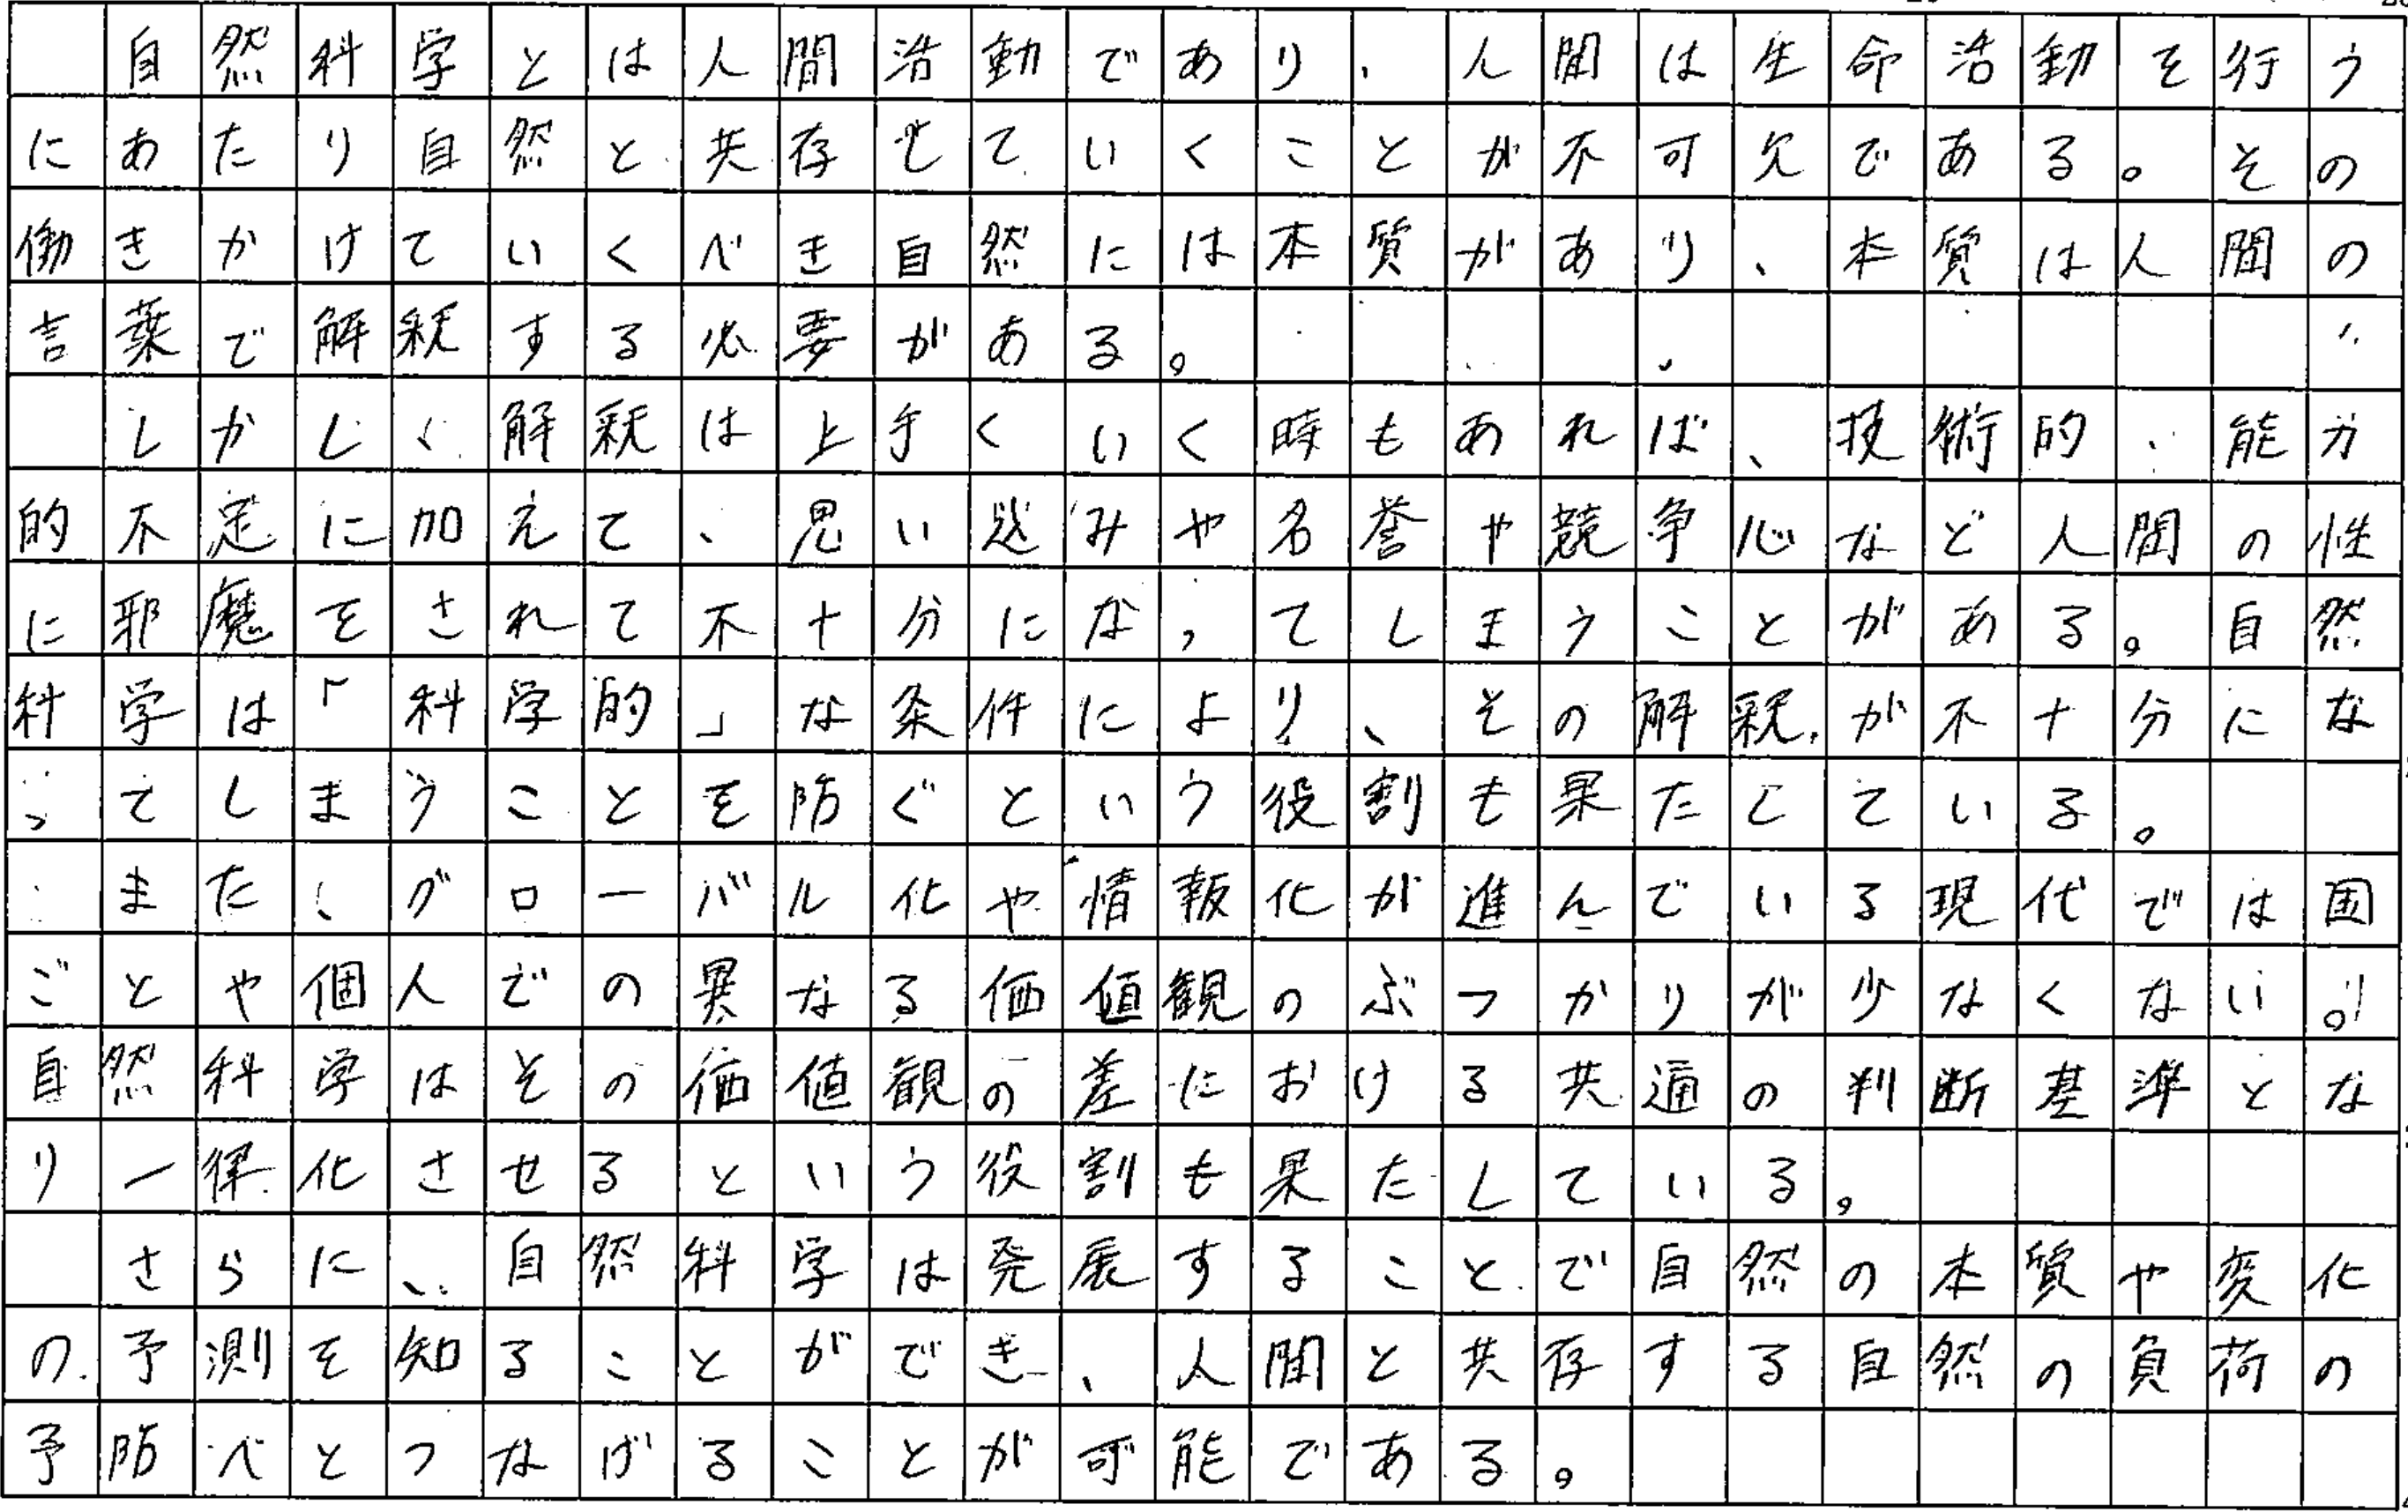　自然科学とは人間活動であり、人間は生命活動を行うにあたり自然と共存していくことが不可欠である。その働きかけていくべき自然には本質があり、本質は人間の言葉で解釈する必要がある。
　しかし、解釈は上手くいく時もあれば、技術的・能力的不足に加えて、思い込みや名誉や競争心など人間の性に邪魔をされて不十分になってしまうことがある。自然科学は「科学的」な条件により、その解釈が不十分になってしまうことを防ぐという役割も果たしている。
　また、グローバル化や情報化が進んでいる現代では国ごとや個人での異なる価値観のぶつかりが少なくない。自然科学はその価値観の差における共通の判断基準となり一律化させるという役割も果たしている。
　さらに、自然科学は発▁することで自然の本質や変化の予測を知ることができ、人間と共存する自然の負荷の予防へとつなげることが可能である。
